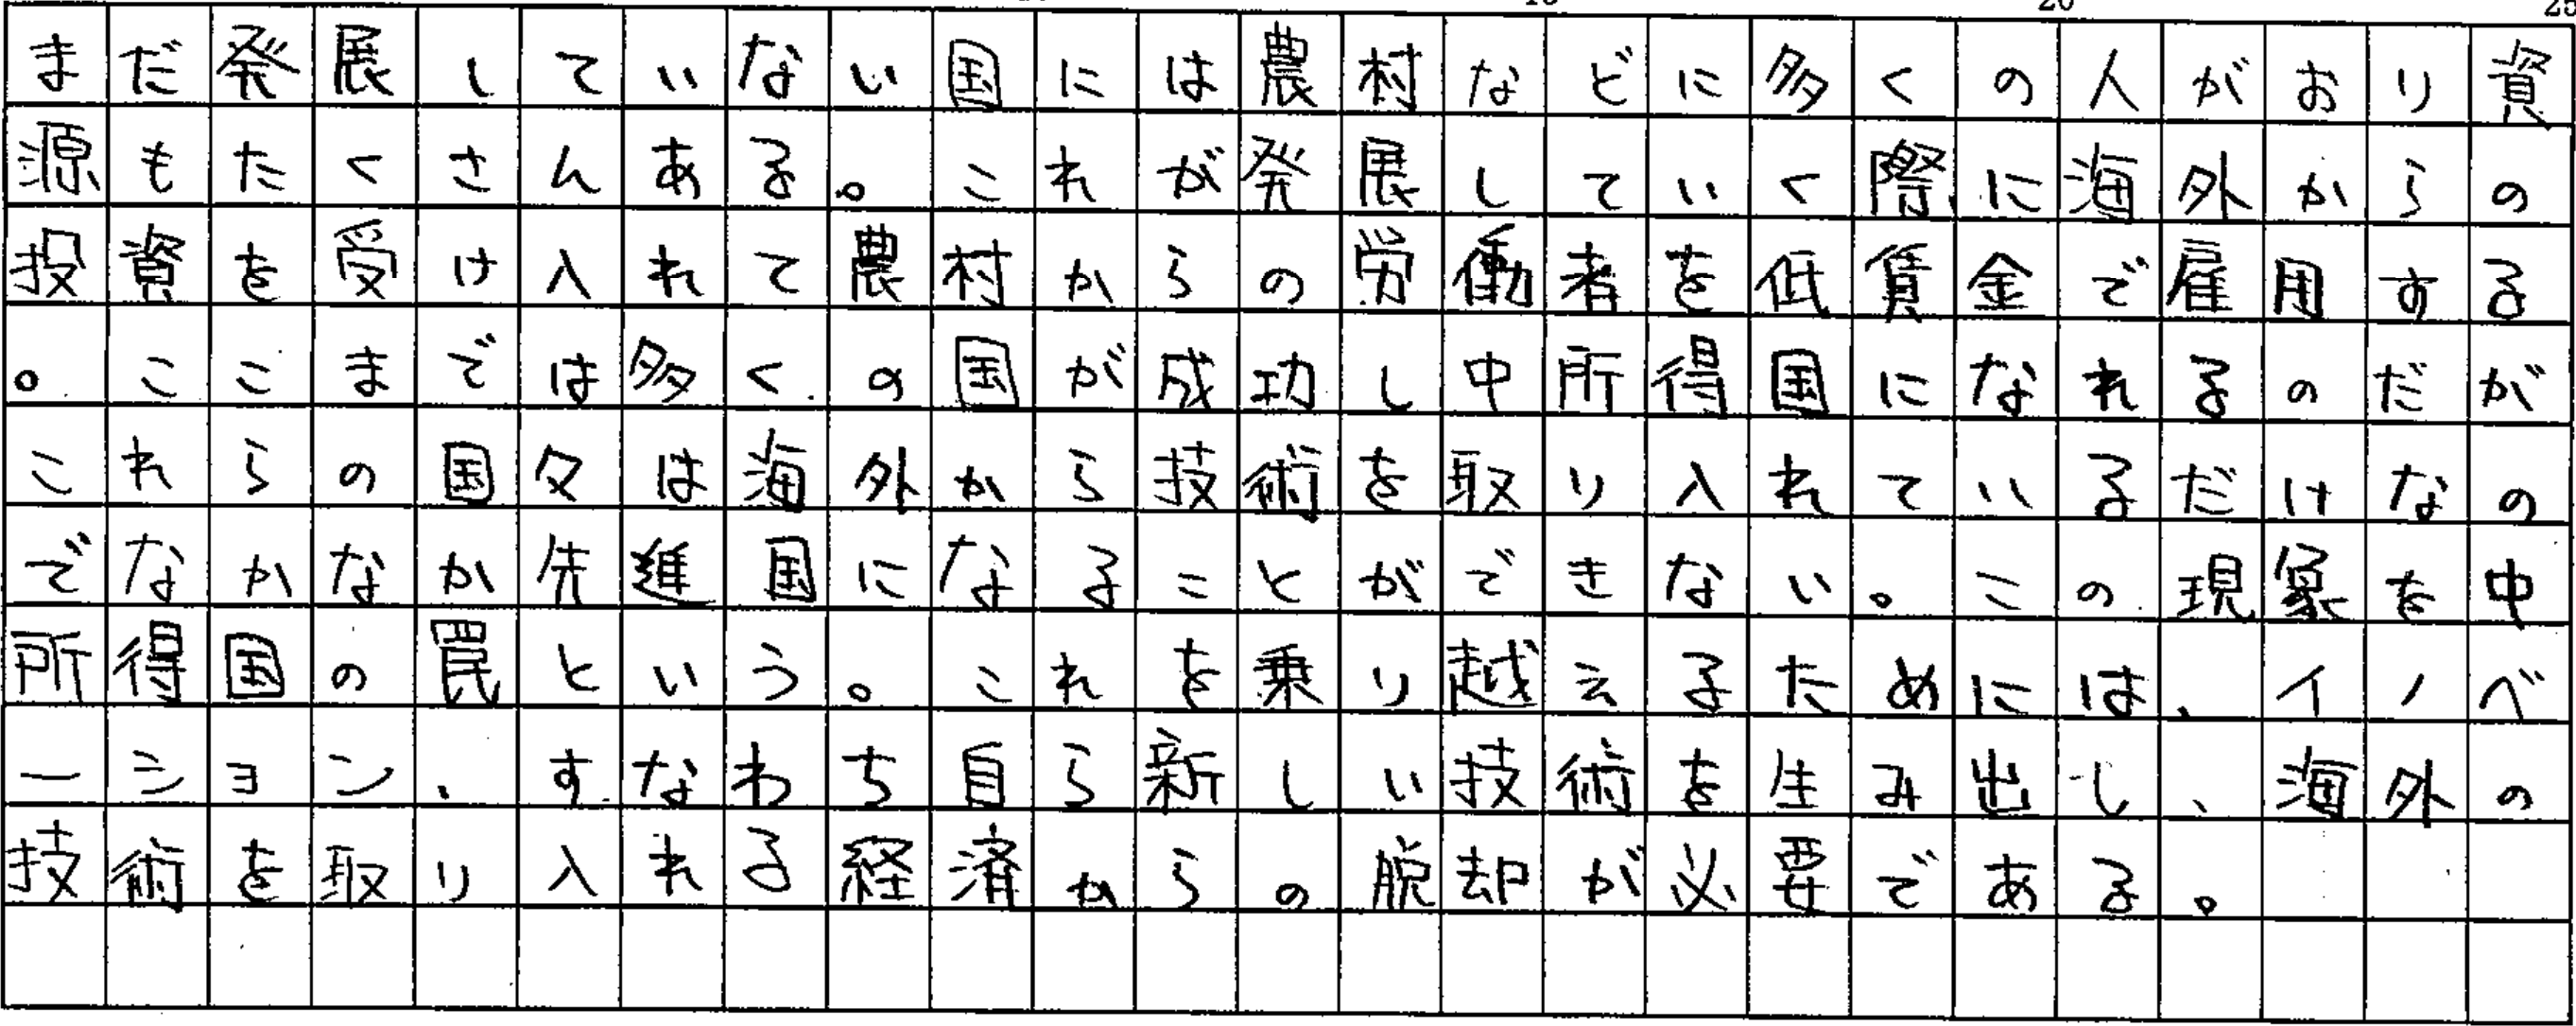まだ発展していない国には農村などに多くの人がおり資源もたくさんある。これが発展していく際に海外からの投資を受け入れて農村からの労働者を低賃金で雇用する。ここまでは多くの国が成功し中所得国になれるのだがこれらの国々は海外から技術を取り入れているだけなのでなかなか先進国になることができない。この現象を中所得国の罠という。これを乗り越えるためには、イノベーション、すなわち自ら新しい技術を生み出し、海外の技術を取り入れる経済からの脱却が必要である。
